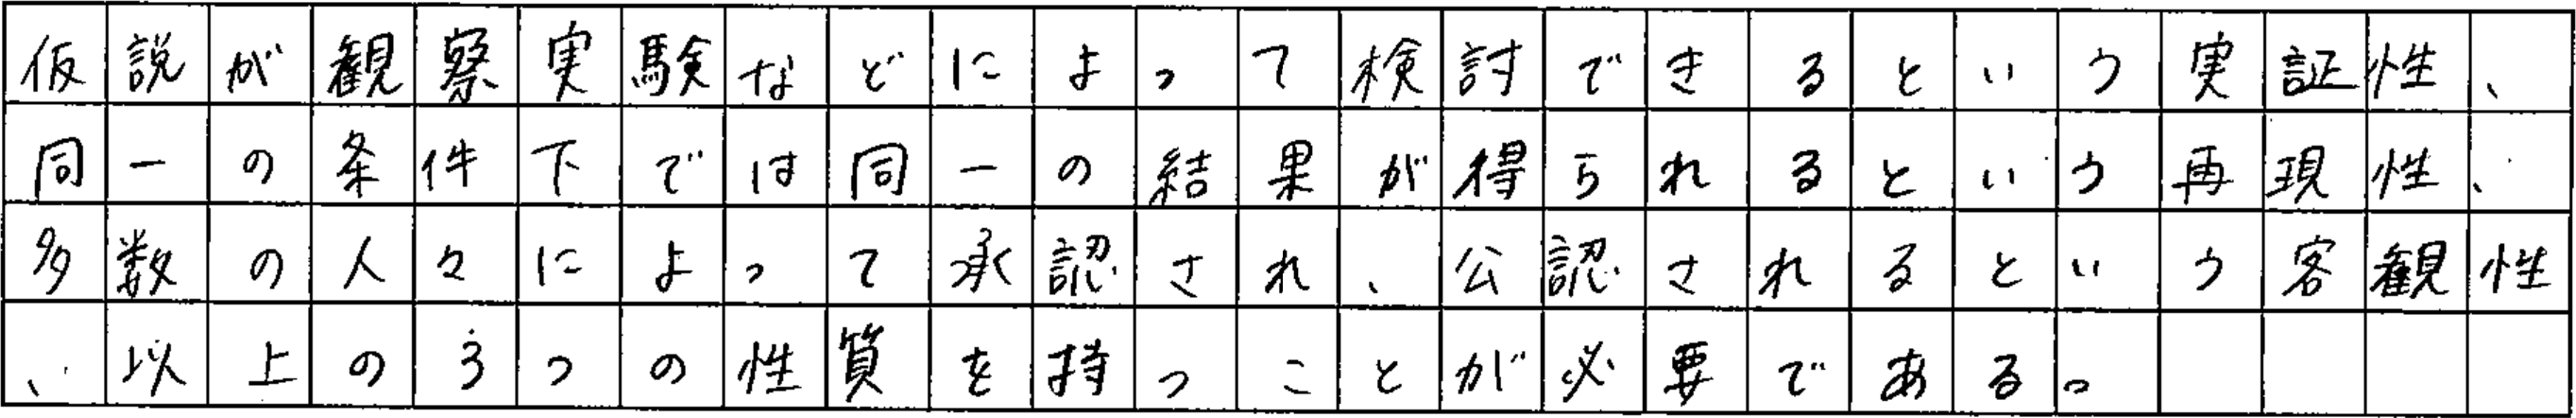仮説が観察実験などによって検討できるという実証性、同一の条件下では同一の結果が得られるという再現性、多数の人々によって承認され、公認されるという客観性、以上の３つの性質を持つことが必要である。
